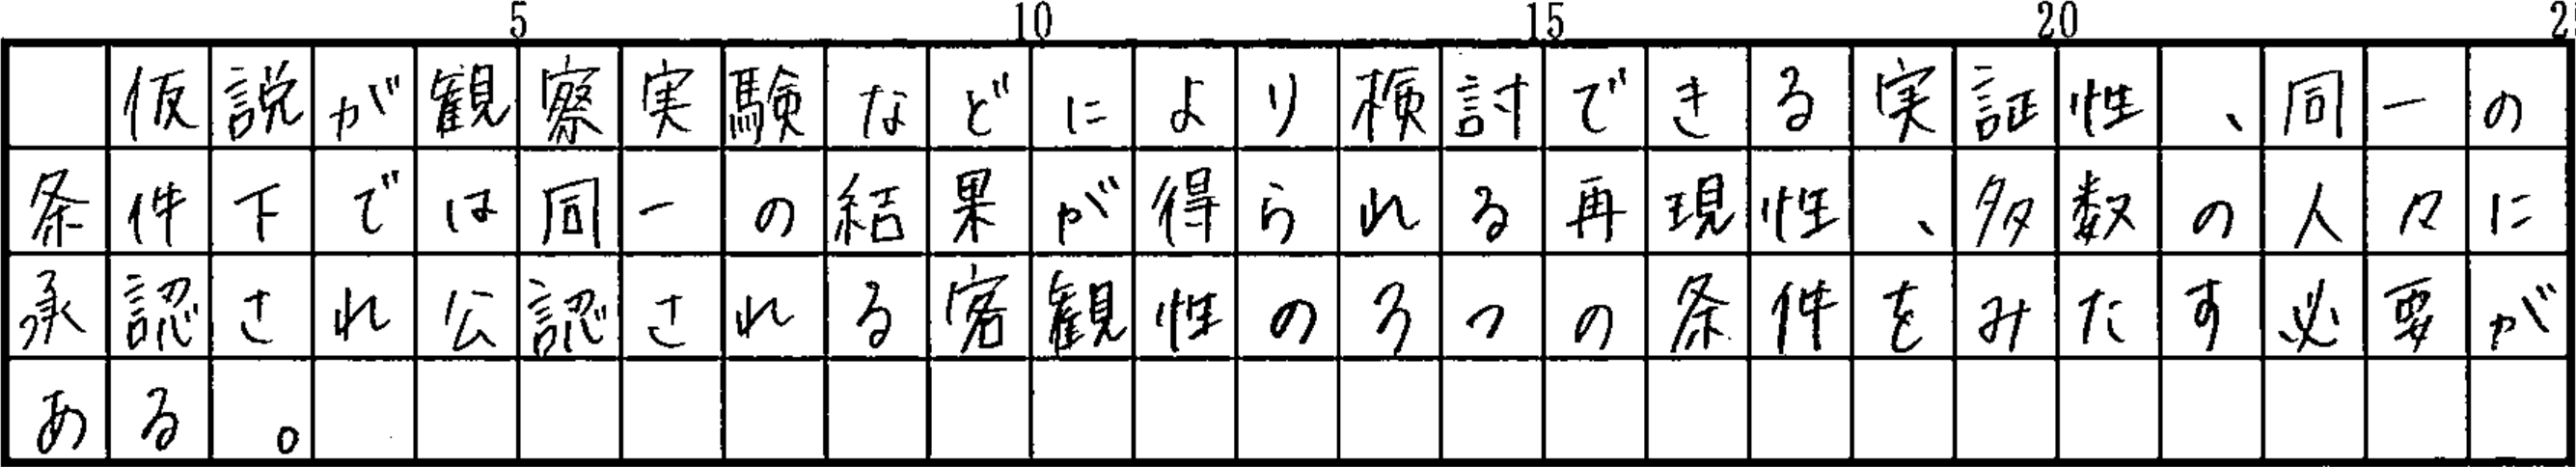　仮説が観察実験などにより検討できる実証性、同一の条件下では同一の結果が得られる再現性、多数の人々に承認され、公認される客観性の３つの条件をみたす必要がある。
